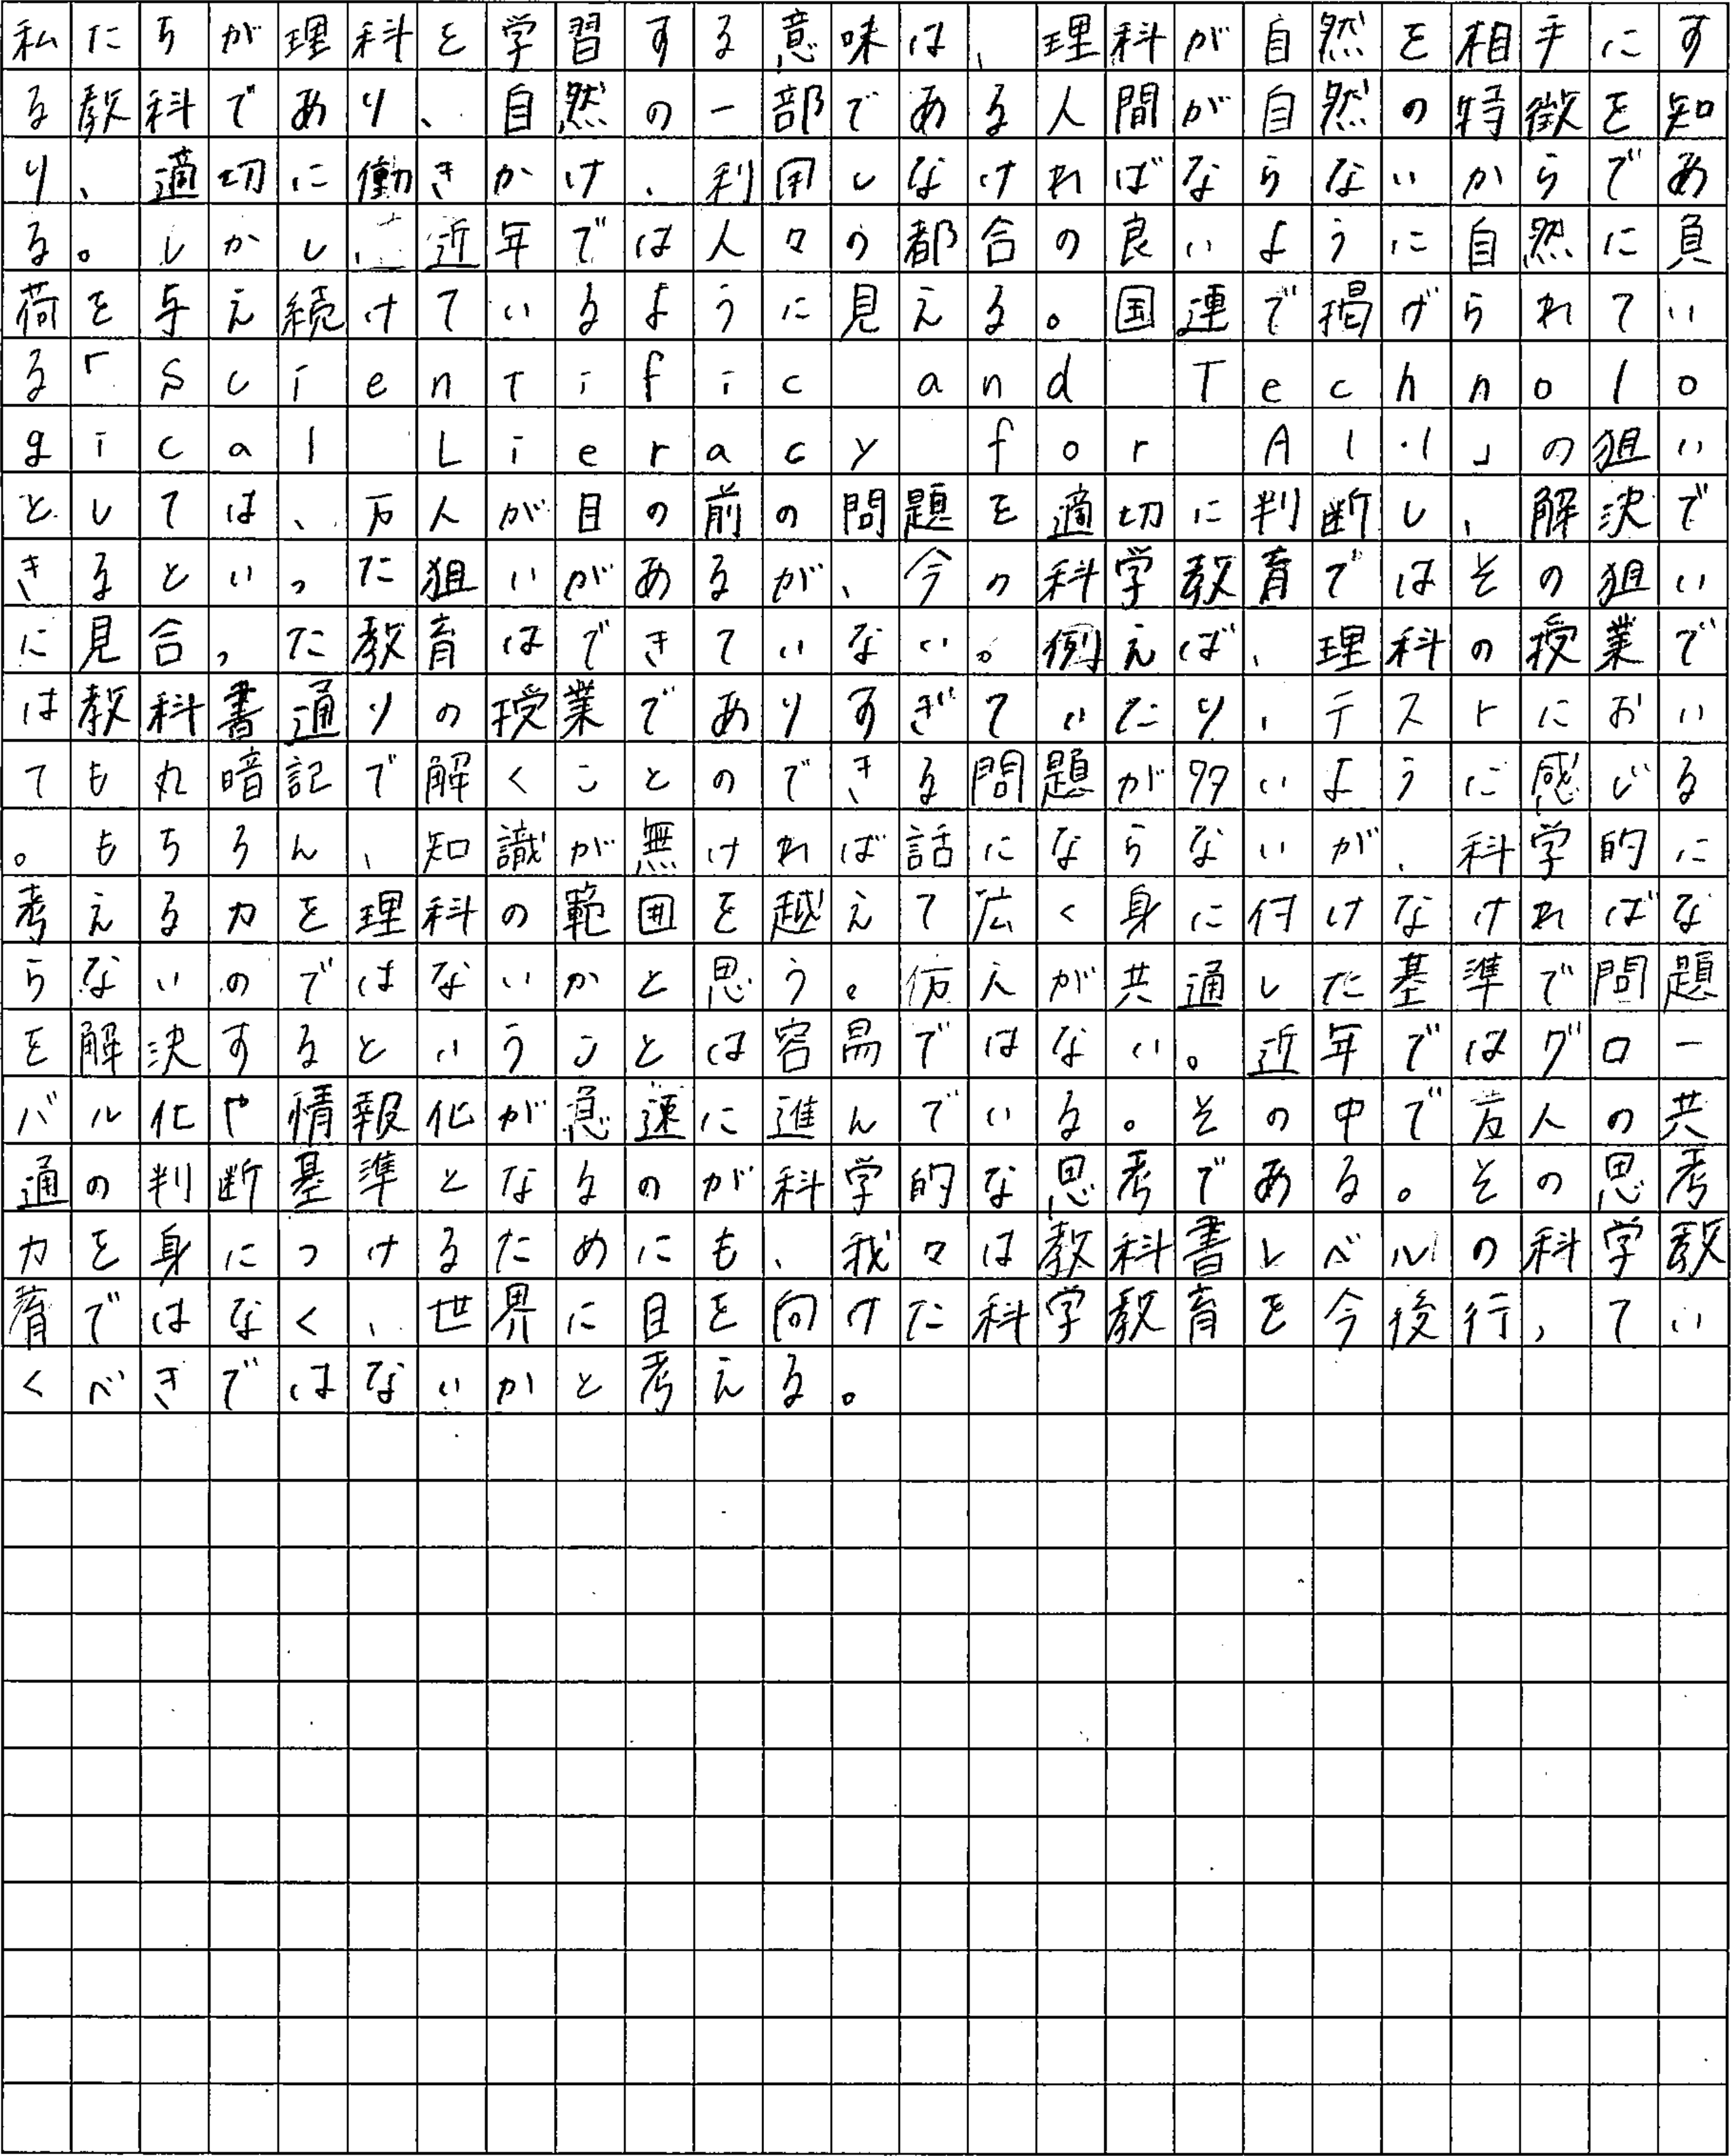私たちが理科を学習する意味は、理科が自然を相手にする教科であり、自然の一部である人間が自然の特徴を知り、適切に働きかけ、利用しなければならないからである。しかし、近年では人々の都合の良いように自然に負荷を与え続けているように見える。国連で掲げられている「Ｓｃｉｅｎｔｉｆｉｃ　ａｎｄ　Ｔｅｃｈｎｏｌｏｇｉｃａｌ　Ｌｉｅｒａｃｙ　ｆｏｒ　Ａｌｌ」の狙いとしては、万人が目の前の問題を適切に判断し、解決できるといった狙いがあるが、今の科学教育ではその狙いに見合った教育はできていない。例えば、理科の授業では教科書通りの授業でありすぎていたり、テストにおいても丸暗記で解くことのできる問題が多いように感じる。もちろん、知識が無ければ話にならないが、科学的に考える力を理科の範囲を越えて広く身に付けなければならないのではないかと思う。万人が共通した基準で問題を解決するということは容易ではない。近年ではグローバル化や情報化が急速に進んでいる。その中で万人の共通の判断基準となるのが科学的な思考である。その思考力を身につけるためにも、我々は教科書レベルの科学教育ではなく、世界に目を向けた科学教育を今後行っていくべきではないかと考える。
